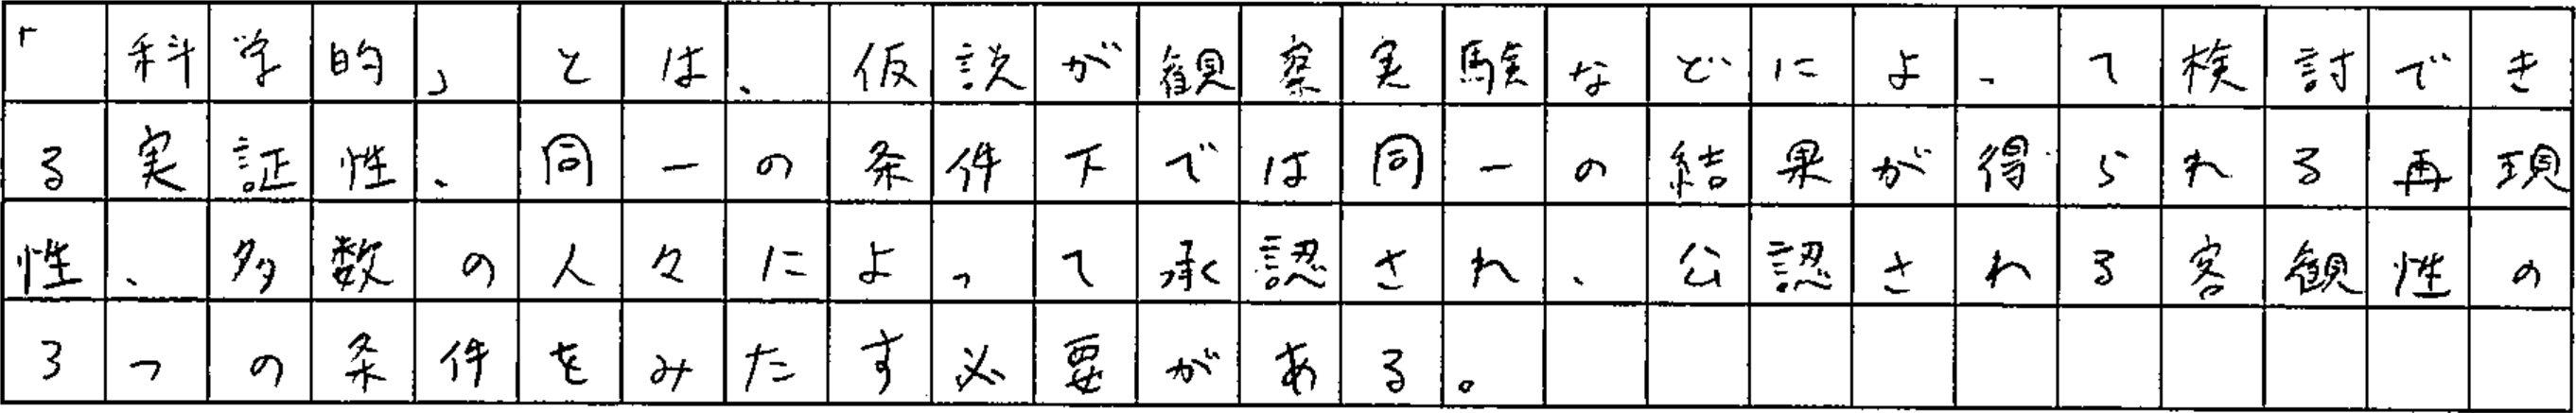「科学的」とは、仮説が観察実験などによって検討できる実証性、同一の条件下では同一の結果が得られる再現性、多数の人々によって承認され、公認される客観性の３つの条件をみたす必要がある。
